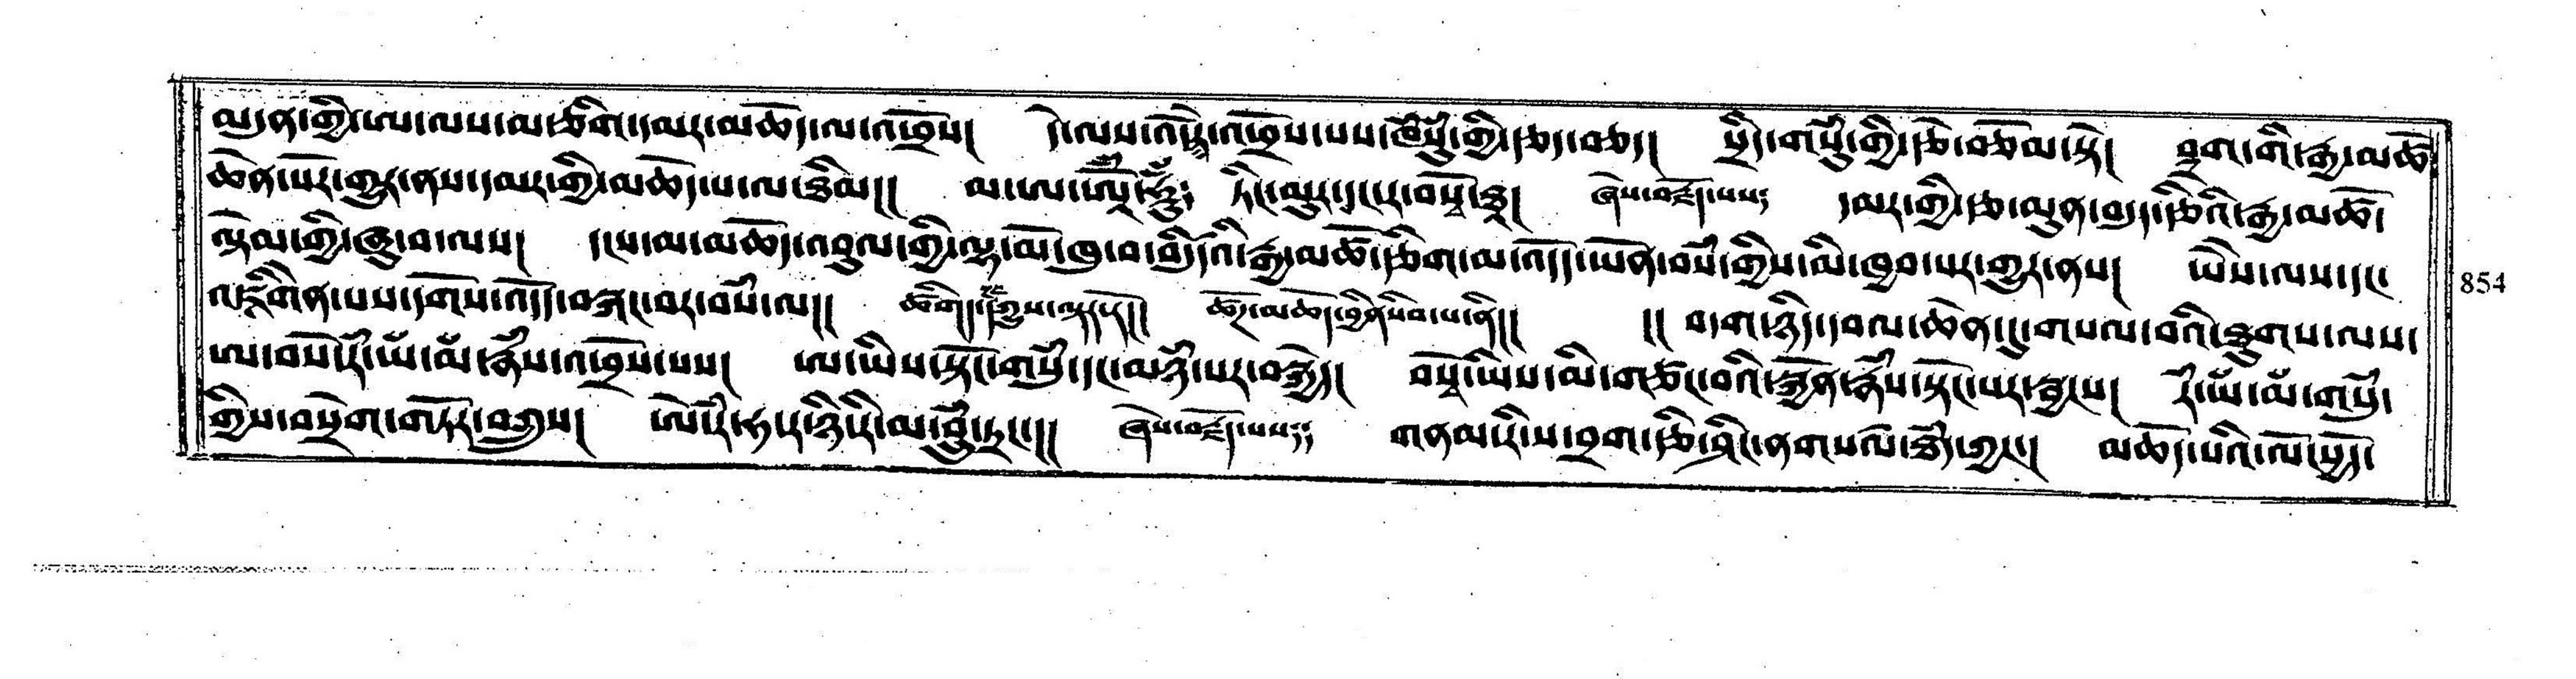མདུན་གྱི་ཨ་ལས་མ་ཅིག་དམར་མཆོད་ལ་འཕྲོས། དེ་ལས་འོད་ཟེར་འཕྲོས་པས་ཁམས་གསུམ་གྱི་རྩད་བཅད། སྲིད་གསུམ་གྱི་རྩེ་བཅོམ་སྟེ། ཤ་ཁྲག་གི་རྒྱ་མཚོ་
ཆེན་པོར་གྱུར་ནས་དམར་གྱི་མཆོད་པ་ལ་ཐིམ།། མ་ཨ་ཨཱོཾ་ཧཱུྃ། ཏིང་མུར་དྭང་ར་བསྭོ་ཐཱ། ཞེས་བརྗོད་པས་དམར་གྱི་རྩ་མུན་བདུད་རྩིའི་རྒྱ་མཚོ་
ལྟེམ་གྱི་ཞུ་བ་ལས། དངས་མ་མཆོད་འབུལ་གྱི་ལྷ་མོ་ཁུ་བ་བདུད་རྩིའི་རྒྱ་མཚོ་རྩིག་མ་འདོད་ཡོན་བསམ་གྱིས་མི་ཁྱབ་པར་གྱུར་ནས། ཡེ་ཤེས་ལས་དང་
འཇིག་རྟེན་པས་དགོས་འདོད་བསྐང་བར་བསམ་ལ།། ཚིག་བཤད་དཀྱུས་ལྟར་རོ།། ཚོགས་མཆོད་བྱིན་གྱིས་བརླབས་པ་ནི།། །།བདག་ཉིད་དབལ་ཆེན་དུ་གསལ་བའི་ཐུགས་ལས་
ཨ་བསོ་རཾ་ཡཾ་མཾ་རྣམས་འཕྲོས་པས། ཨ་ཡིས་སྟོང་གསུམ་དང་མཉམ་པར་བསྐྱེད། བསྭོ་ཡིས་མི་གཙང་བའི་སྐྱོན་རྣམས་སྟོང་པར་སྦྱངས། རཾ་ཡཾ་མཾ་གསུམ་
གྱིས་བསྲེག་གཏོར་བཀྲུས། ཨེ་རཾ་ཧ་ར་ཉི་རི་མ་བྲུཾ་ཏྲང་།། ཞེས་བརྗོད་པས གནམ་རི་ས་བྲག་རྩི་ཤིང་ནགས་ཚལ་ཐམས་ཅད་ཀྱང་། མཆོད་པའི་ལོངས་སྤྱོད་